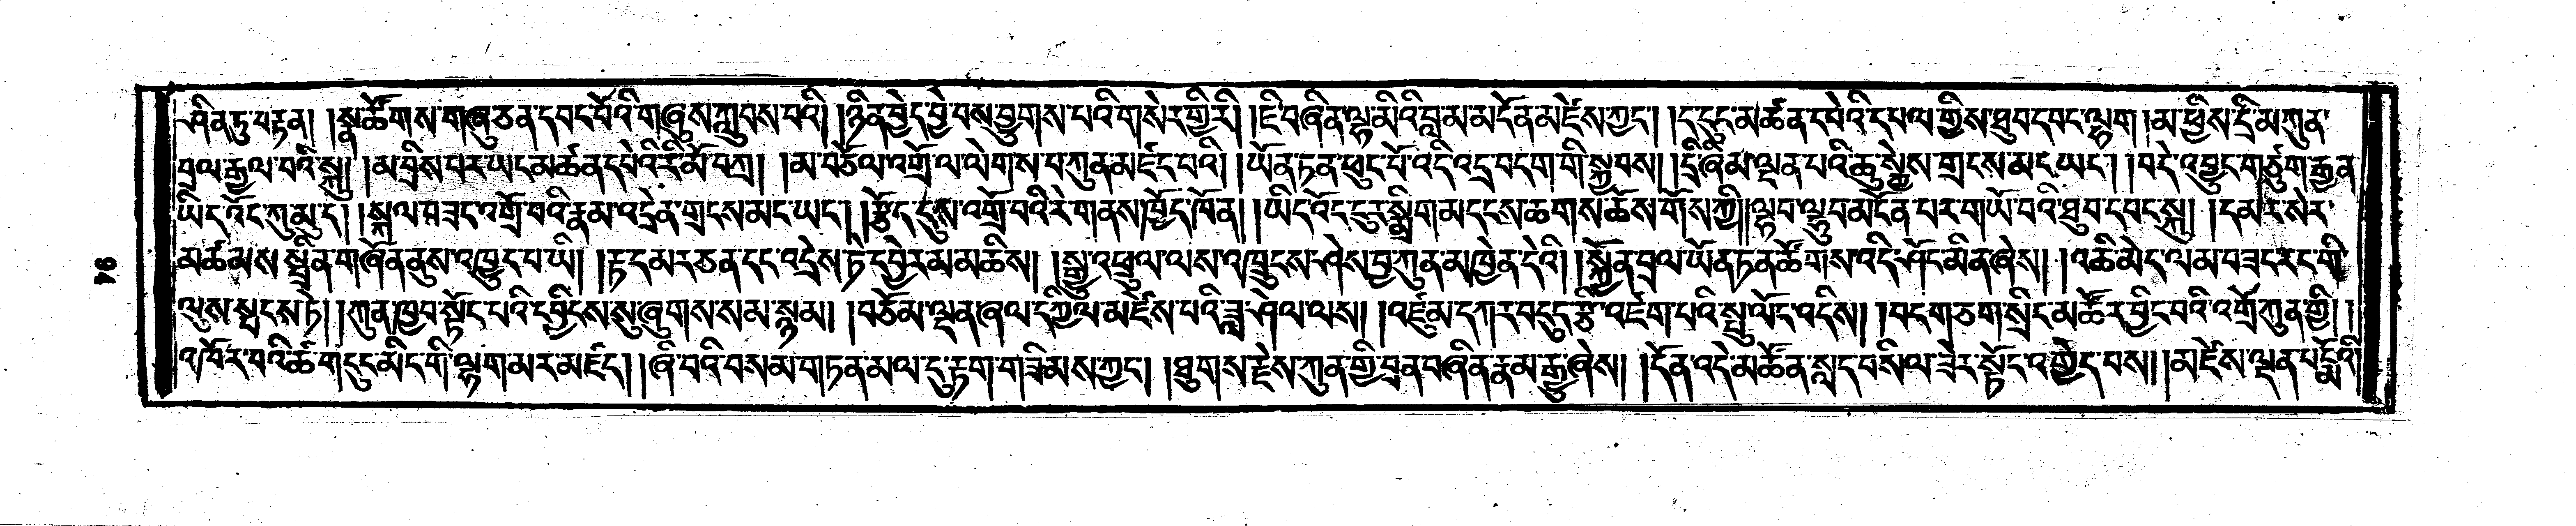ཤིན་ཏུ་བརྟན། །སྣ་ཚོགས་གཞུ་ཅན་དབང་པོའི་གཞུས་ཀླུབས་པའི། །ཉིན་བྱེད་བྱེ་བས་བྱུགས་པའི་གསེར་གྱི་རི། །ཇི་བཞིན་ལྷ་མིའི་བླ་མ་མངོན་མཛེས་ཀྱང་། །ད་དུང་མཚན་དཔེའི་དཔལ་གྱིས་ཐུབ་དབང་ལྷག །མ་ཕྱིས་དྲི་མ་ཀུན་
བྲལ་རྒྱལ་བའི་སྐུ། །མ་བྲིས་པར་ཡང་མཚན་དཔེའི་རི་མོ་བཀྲ། །མ་བཅོལ་འགྲོ་ལ་ལེགས་པ་ཀུན་མཛད་པའི། །ཡོན་ཏན་ཕུང་པོ་འདི་འདྲ་བདག་གི་སྐྱབས། །དྲི་ཞིམ་ལྡན་པའི་ཆུ་སྐྱེས་གྲངས་མང་ཡང་། །བདེ་འབྱུང་གཙུག་རྒྱན་
ཡིད་འོང་ཀུ་མུ་ད། །སྐལ་བཟང་འགྲོ་བའི་རྣམ་འདྲེན་གྲངས་མང་ཡང་། །རྩོད་དུས་འགྲོ་བའི་རེ་གནས་ཁྱོད་ཁོ་ན། །ཡིད་འོང་ངུར་སྨྲིག་མདངས་ཆགས་ཆོས་གོས་ཀྱི། །ལྷབ་ལྷུབ་མངོན་པར་གཡོ་བའི་ཐུབ་དབང་སྐུ། །དམར་སེར་
མཚམས་སྤྲིན་གཞོན་ནུས་འཁྱུད་པ་ཡི། །རྟ་དམར་ཅན་དང་འདྲེས་ཏེ་དབྱེར་མ་མཆིས། །སྒྱུ་འཕྲུལ་ལས་འཁྲུངས་ཤེས་བྱ་ཀུན་མཁྱེན་དེའི། །སྐྱོན་བྲལ་ཡོན་ཏན་ཚོགས་འདི་ཤོང་མིན་ཞེས། །འཆི་མེད་ལམ་བཟང་རང་གི་
ལུས་སྤངས་ཏེ། །ཀུན་ཁྱབ་སྟོང་པའི་དབྱིངས་སུ་ཞུགས་སམ་སྙམ། །བཅོམ་ལྡན་ཞལ་དཀྱིལ་མཛེས་པའི་ཟླ་ཤེལ་ལས། །འཛུམ་དཀར་བདུད་རྩི་འཛག་པའི་སྤུ་ལོང་འདིས། །བདག་ཅག་སྲིད་མཚོར་བྱིང་བའི་འགྲོ་ཀུན་གྱི། །
འཁོར་བའི་ཚ་གདུང་མིང་གི་ལྷག་མར་མཛད། །ཞི་བའི་བསམ་གཏན་མལ་དུ་རྟག་གཟིགས་ཀྱང་། །ཐུགས་རྗེས་ཀུན་གྱི་བྲན་བཞིན་རྣམ་རྒྱུ་ཞེས། །དོན་འདི་མཚོན་སླད་བསིལ་ཟེར་སྟོང་འགྱེད་པས། །མཛེས་ལྡན་པདམོའི་